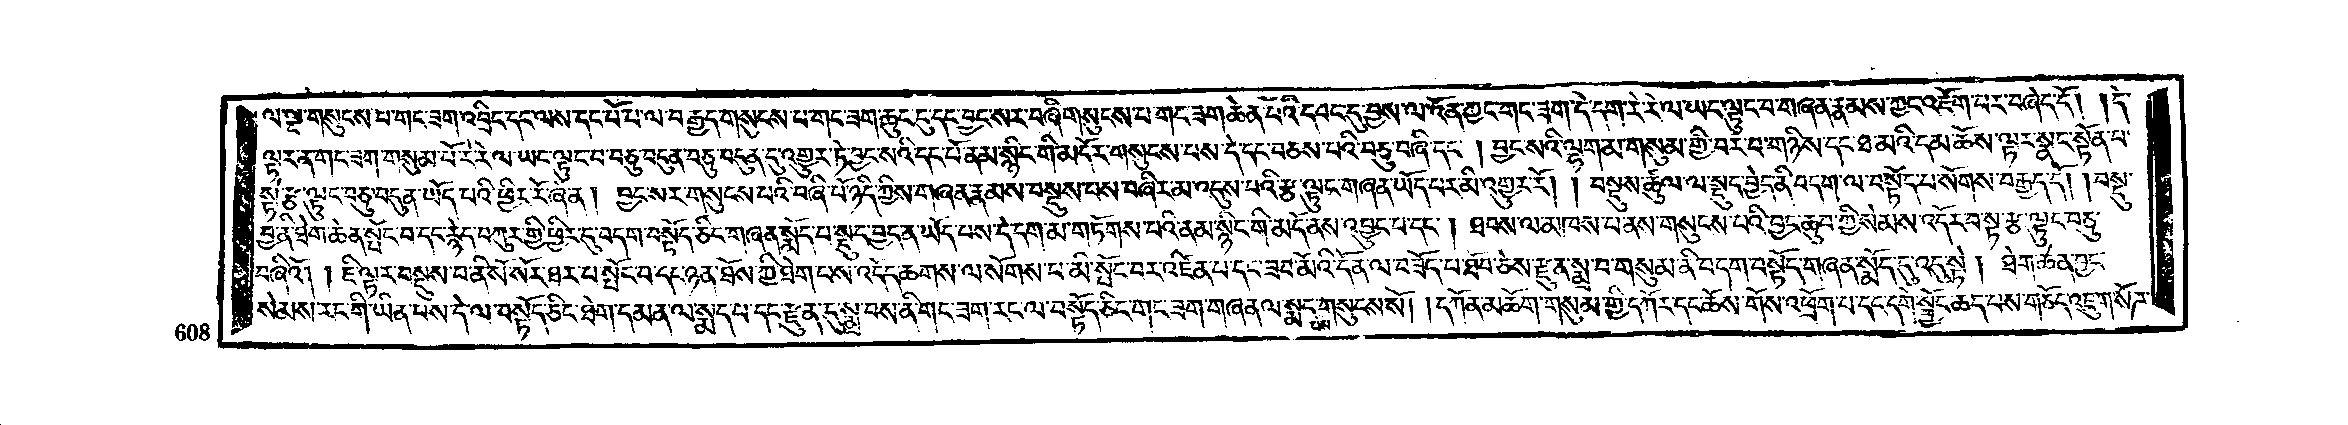ལ་ལྔ་གསུངས་པ་གང་ཟག་འབྲིང་དང་ལས་དང་པོ་པ་ལ་བརྒྱད་གསུངས་པ་གང་ཟག་ཆུང་ངུ་དང་བྱང་སར་བཞི་གསུངས་པ་གང་ཟག་ཆེན་པོའི་དབང་དུ་བྱས་ལ་འོན་ཀྱང་གང་ཟག་དེ་དག་རེ་རེ་ལ་ཡང་ལྟུང་བ་གཞན་རྣམས་ཀྱང་འཇོག་པར་བཞེད་དོ། །དེ་
ལྟར་ན་གང་ཟག་གསུམ་པོ་རེ་རེ་ལ་ཡང་ལྟུང་བ་བཅུ་བདུན་བཅུ་བདུན་དུ་འགྱུར་ཏེ་བྱང་སའི་དང་པོ་ནམ་སྙིང་གི་མདོར་གསུངས་པས་དེ་དང་བཅས་པའི་བཅུ་བཞི་དང་། བྱང་སའི་ལྷག་མ་གསུམ་གྱི་བར་བ་གཉིས་དང་ཐ་མའི་དམ་ཆོས་ལྟར་སྣང་སྟོན་པ་
སྟེ་རྩ་ལྟུང་བཅུ་བདུན་ཡོད་པའི་ཕྱིར་རོ་ཞེ་ན། བྱང་སར་གསུངས་པའི་བཞི་པོ་ཉིད་ཀྱིས་གཞན་རྣམས་བསྡུས་པས་བཞིར་མ་འདུས་པའི་རྩ་ལྟུང་གཞན་ཡོད་པར་མི་འགྱུར་རོ། །བསྡུས་ཚུལ་ལ་སྡུད་བྱེད་ནི་བདག་ལ་བསྟོད་པ་སོགས་བརྒྱད་དོ། །བསྡུ་
བྱ་ནི་ཐེག་ཆེན་སྤོང་བ་དང་རྙེད་བཀུར་གྱི་ཕྱིར་དུ་བདག་བསྟོད་ཅིང་གཞན་སྨོད་པ་སྡུད་བྱད་ན་ཡོད་པས་དེ་དག་མ་གཏོགས་པའི་ནམ་སྙིང་གི་མདོ་ནས་འབྱུང་པ་དང་། ཐབས་ལ་མཁས་པ་ནས་གསུངས་པའི་བྱང་ཆུབ་ཀྱི་སེམས་འདོར་བ་སྟ་རྩ་ལྟུང་བཅུ་
བཞིའོ། །ཇི་ལྟར་བསྡུས་པ་ནི་སོ་སོར་ཐར་པ་སྤོང་བ་དང་ཉན་ཐོས་ཀྱི་ཐེག་པས་འདོད་ཆགས་ལ་སོགས་པ་མི་སྤོང་བར་འཛིན་པ་དང་ཟབ་མོའི་དོན་ལ་བཟོད་པ་ཐོབ་ཅེས་རྫུན་སྨྲ་བ་གསུམ་ནི་བདག་བསྟོད་གཞན་སྨོད་དུ་འདུ་སྟེ། ཐེག་ཆེན་བྱང་
སེམས་རང་གི་ཡིན་པས་དེ་ལ་བསྟོད་ཅིང་ཐེག་དམན་ལ་སྨད་པ་དང་རྫུན་དུ་སྨྲ་བས་ནི་གང་ཟག་རང་ལ་བསྟོད་ཅིང་གང་ཟག་གཞན་ལ་སྨད་པས་གསུངས་སོ། །དཀོན་མཆོག་གསུམ་གྱི་དཀོར་དང་ཆོས་གོས་འཕྲོག་པ་དང་དགེ་སྦྱོང་ཆད་པས་གཅོད་འཇུག་སོགས་